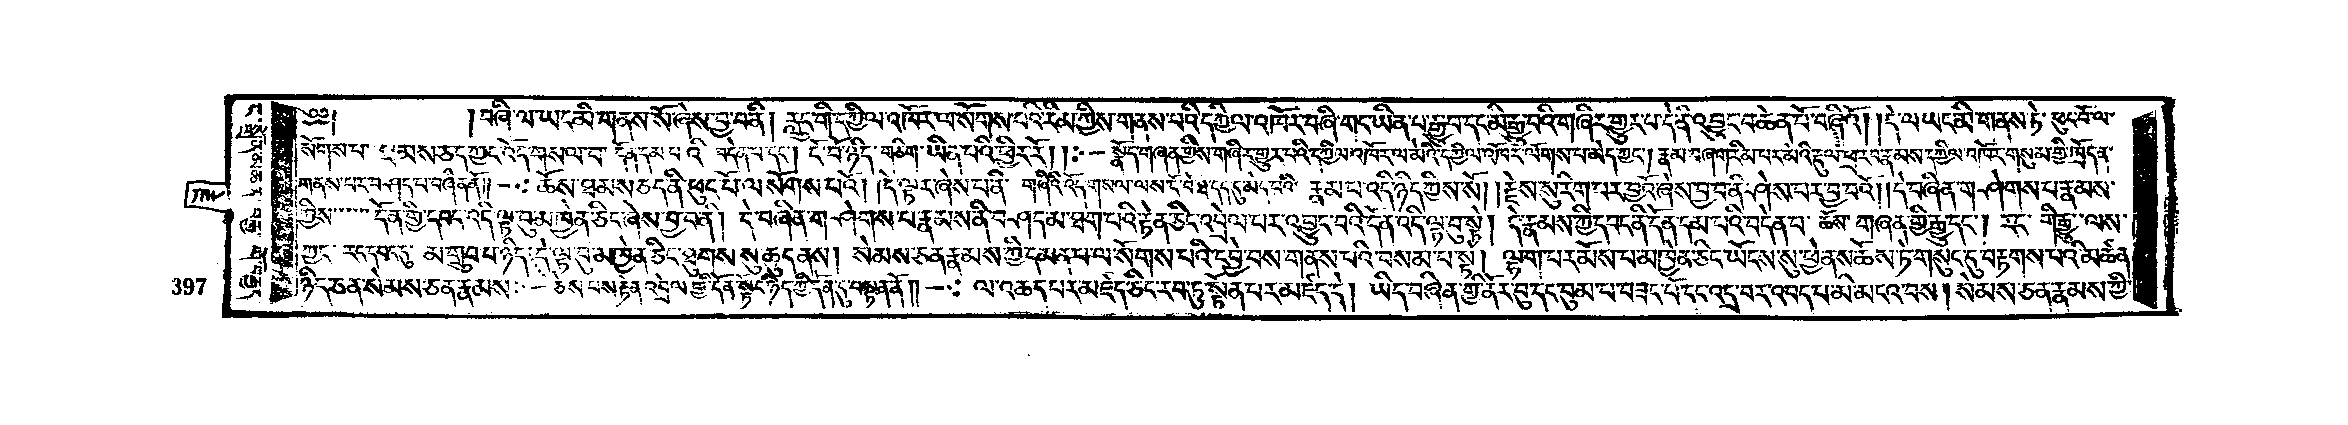༄༅། །བཞི་ལ་ཡང་མི་གནས་སོ་ཞེས་བྱ་བ་ནི། རླུང་གི་དཀྱིལ་འཁོར་ལ་སོགས་པའི་རིམ་གྱིས་གནས་པའི་དཀྱིལ་འཁོར་བཞི་གང་ཡིན་པ་རྒྱུ་བ་དང་མི་རྒྱུ་བའི་གཞིར་གྱུར་པ་དེ་ནི་འབྱུང་བ་ཆེན་པོ་བཞིའོ། །དེ་ལ་ཡང་མི་གནས་ཏེ་ཕུང་པོ་ལ་
སོགས་པ་ཐམས་ཅད་ཀྱང་འོད་གསལ་བ་དོན་དམ་པའི་བདེན་པ་དང། ངོ་བོ་ཉིད་གཅིག་ཡིན་པའི་ཕྱིར་རོ།། H.་སྣོད་གཞན་གྱིས་གཞིར་གྱུར་པའི་དཀྱིལ་འཁོར་ལ་མེའི་དཀྱིལ་འཁོར་ལོགས་པ་མེད་ཀྱང་། རྣམ་བཞག་རིམ་པར་མེའི་རྡུལ་ཕྲ་རབ་རྣམས་དཀྱིལ་འཁོར་གསུམ་གྱི་ཁྲོད་ན་
གནས་པར་བཤད་པ་བཞིན་ནོ།། .H ཆོས་ཐམས་ཅད་ནི་ཕུང་པོ་ལ་སོགས་པའོ། །དེ་ལྟར་ཞེས་པ་ནི་གཞིའི་འོད་གསལ་ལས་ངོ་བོ་ཐ་དད་དུ་མེད་པའི་རྣམ་པ་འདི་ཉིད་ཀྱིས་སོ། །རྗེས་སུ་རིག་པར་བྱའོ་ཞེས་བྱ་བ་ནི་ཤེས་པར་བྱ་བའོ། །དེ་བཞིན་གཤེགས་པ་རྣམས་
ཀྱིས་དོན་གྱི་དབང་འདི་ལྟ་བུ་མཁྱེན་ཅིང་ཞེས་བྱ་བ་ནི། དེ་བཞིན་གཤེགས་པ་རྣམས་ནི་བཤད་མ་ཐག་པའི་རྟེན་ཅིང་འབྲེལ་པར་འབྱུང་བའི་དོན་འདི་ལྟ་བུ་སྟེ། དེ་རྣམས་ཀྱི་དབང་ནི་དོན་དམ་པའི་བདེན་པ་ཆོས་གཞན་གྱི་རྒྱུ་དང་། རང་གི་རྒྱུ་ལས་
ཀྱང་རང་དབང་དུ་མ་གྲུབ་པ་ཉིད་དེ་ལྟ་བུ་མཁྱེན་ཅིང་ཐུགས་སུ་ཆུད་ནས། སེམས་ཅན་རྣམས་ཀྱི་དམན་པ་ལ་སོགས་པའི་དབྱེ་བས་གནས་པའི་བསམ་པ་སྟེ། ལྷག་པར་མོས་པ་མཁྱེན་ཅིང་ཡོངས་སུ་ཕྱེ་ནས་ཆོས་ཏེ་གསུང་དུ་བརྟགས་པའི་མཚན་
ཉིད་ཅན་སེམས་ཅན་རྣམས་H.་ཅེས་པས་རྟེན་འབྲེལ་གྱི་དོན་སྟོང་ཉིད་ཀྱི་དོན་དུ་བསྟན་ནོ།།  .H ལ་འཆད་པར་མཛད་ཅིང་རབ་ཏུ་སྟོན་པར་མཛད་དེ། ཡིད་བཞིན་གྱི་ནོར་བུ་དང་བུམ་པ་བཟང་པོ་དང་འདྲ་བར་འབད་པ་མི་མངའ་བས། སེམས་ཅན་རྣམས་ཀྱི་